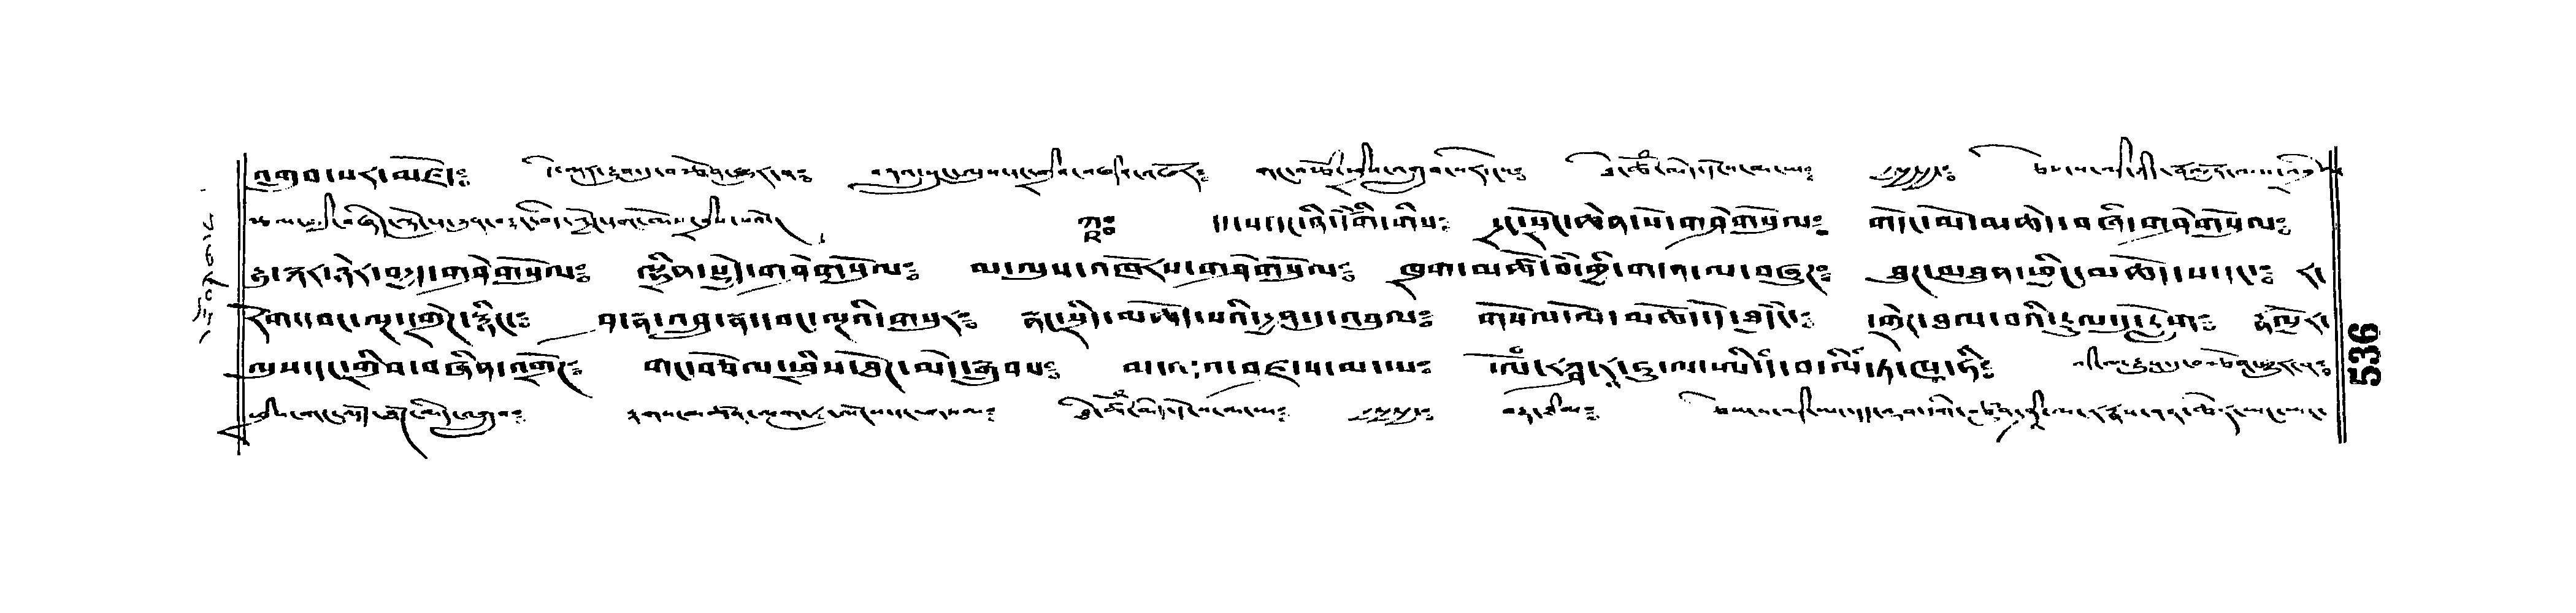འགྲུབ་པར་མཛོད༔ དེ་ལྟར་རྒྱུན་དུ་བརྩོན་གྱུར་ན༔ བཀའ་སྲུང་ལུས་དང་གྲིབ་བཞིན་འཁོར༔ གང་བརྩམས་ཕྲིན་ལས་འགྲུབ་པར་ངེས༔ ཐེ་ཚོམ་མེད་དོ་ས་མ་ཡ༔ རྒྱ་རྒྱ་རྒྱ༔ ཅེས་པ་འདི་ཉིད་རྣལ་འབྱོར་ལས་འབྲེལ་
རྩལ་གྱི་བཞེད་སྐོང་དུ་ཀུན་བཟང་བདེ་སྐྱོང་དག་མོས་བྲིས་པའོ། ཀྵ༔ དད་པ་དང་ནི་དམ་ཚིག་གིས༔ དྲང་སྲོང་ཆེན་པོ་གཤེགས་སུ་གསོལ༔ གདོང་མོ་མཆེད་བཞི་གཤེགས་སུ་གསོལ༔ 
རྒྱུ་སྐར་ཉེར་བརྒྱད་གཤེགས་སུ་གསོལ༔ ལྷན་སྲིན་སྡེ་སྤྱོད་གཤེགས་སུ་གསོལ༔ མ་ལུས་འཁོར་འདས་གཤེགས་སུ་གསོལ༔ ཁྲག་མཚོ་བམ་གྱི་གདན་ལ་བཞུགས༔ ཐུགས་མཐུན་ཕྱི་ནང་མཆོད་པ་དང༔ ར་
རོག་དབང་ལྔ་དགྲ་བགེགས་སྙིང༔ ཤ་སྣ་འབྲུ་སྣ་དབང་ལྔའི་གསུར༔ སྣང་སྲིད་མཆོད་པའི་རྒྱན་དུ་འབུལ༔ གསོལ་ལོ་མཆོད་དོ་ཐུགས་དམ་དང༔ དགྲ་བགེགས་ཐལ་བའི་རྡུལ་དུ་རློག༔ རྣལ་འབྱོར་
ལུས་དང་གྲིབ་བཞིན་འགྲོགས༔ གང་བཅོལ་ཕྲིན་ལས་ཐོགས་མེད་སྒྲུབས༔ མ་འདའ་བཛྲ་ས་མ་ཡ༔ ཨོཾ་རཀྴ་རཱ་ཧུ་ལ་ཨི་དཾ་བ་ལིཾ་ཏ་ཁཱ་ཧི༔ འདི་ལ་རྒྱུས་དུ་བརྩོན་གྱུར་ན༔ 
ཕྲིན་ལས་གང་འདོད་ཐོགས་མེད་འགྲུབ༔ རྟགས་མཚན་ལག་ཏུ་ལོངས་དང་གསལ༔ ཐེ་ཚོམ་མེད་དོ་ས་མ་ཡ༔ རྒྱ་རྒྱ་རྒྱ༔ བརྡ་ཐིམ༔ ཅེས་པ་འདི་ཡང་དད་ལྡན་དགེ་བཙུན་ཤཱི་ལ་རཏྣས་ནན་ཆེར་ཡང་ཡང་